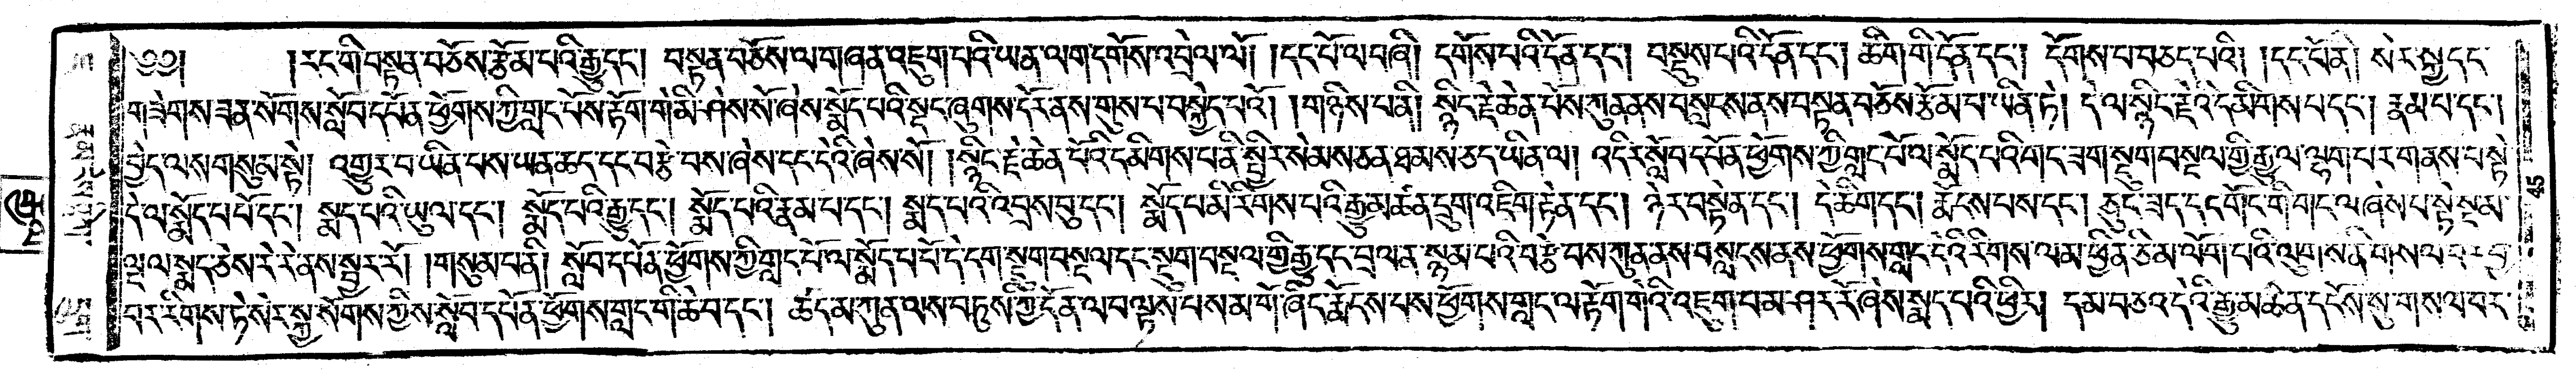༄༅། །རང་གི་བསྟན་བཅོས་རྩོམ་པའི་རྒྱུ་དང་། བསྟན་བཅོས་ལ་གཞན་འཇུག་པའི་ཡན་ལག་དགོས་འབྲེལ་ལོ། །དང་པོ་ལ་བཞི། དགོས་པའི་དོན་དང་། བསྡུས་པའི་དོན་དང་། ཚིག་གི་དོན་དང་། དོགས་པ་བཅད་པའི། །དང་པོ་ནི། སེར་སྐྱ་དང་
གཟིགས་ཟན་སོགས་སློབ་དཔོན་ཕྱོགས་ཀྱི་གླང་པོས་རྟོག་གེ་མི་ཤེས་སོ་ཞེས་སྨོད་པའི་སྡང་ཞུགས་དོར་ནས་གུས་པ་བསྐྱེད་པའོ། །གཉིས་པ་ནི། སྙིང་རྗེ་ཆེན་པོས་ཀུན་ནས་བསླངས་ནས་བསྟན་བཅོས་རྩོམ་པ་ཡིན་ཏེ། དེ་ལ་སྙིང་རྗེའི་དམིགས་པ་དང་། རྣམ་པ་དང་།
བྱེད་ལས་གསུམ་སྟེ། འགྱུར་བ་ཡིན་པས་ཡན་ཆད་དང་བརྩེ་བས་ཞེས་དང་དེའི་ཞེས་སོ། །སྙིང་རྗེ་ཆེན་པོའི་དམིགས་པ་ནི་སྤྱིར་སེམས་ཅན་ཐམས་ཅད་ཡིན་ལ། འདིར་སློབ་དཔོན་ཕྱོགས་ཀྱི་གླང་པོ་ལ་སྨོད་པའི་གང་ཟག་སྡུག་བསྔལ་གྱི་རྒྱུ་ལ་ལྷག་པར་གནས་པ་སྟེ་
དེ་ལ་སྨོད་པ་པོ་དང་། སྨད་པའི་ཡུལ་དང་། སྨོད་པའི་རྒྱུ་དང་། སྨོད་པའི་རྣམ་པ་དང་། སྨད་པའི་འབྲས་བུ་དང་། སྨོད་པ་མི་རིགས་པའི་རྒྱུ་མཚན་དྲུག་འཇིག་རྟེན་དང་། ཉེར་བསྟེན་དང་། དེ་ཚིག་དང་། རྨོངས་པས་དང་། ཅུང་ཟད་དང་གོང་གི་གང་ལ་ཞེས་པ་སྟེ་སྔ་མ་
ལྔ་ལ་སྨད་ཅེས་རེ་རེ་ནས་སྦྱར་རོ། །གསུམ་པ་ནི། སློབ་དཔོན་ཕྱོགས་ཀྱི་གླང་པོ་ལ་སྨོད་པ་པོ་དེ་དག་སྡུག་བསྔལ་དང་སྡུག་བསྔལ་གྱི་རྒྱུ་དང་བྲལ་ན་སྙམ་པའི་བརྩེ་བས་ཀུན་ནས་བསླངས་ནས་ཕྱོགས་གླང་དེའི་རིགས་ལམ་ཕྱིན་ཅི་མ་ལོག་པའི་ལུགས་ནི་གསལ་བར་བྱ་
བར་རིགས་ཏེ་སེར་ཀྱ་སོགས་ཀྱིས་སློབ་དཔོན་ཕྱོགས་གླང་གི་ཆེ་བ་དང་། ཚད་མ་ཀུན་ལས་བཏུས་ཀྱི་དོན་ལ་བལྟོས་པས་མགོ་ཞིང་རྨོངས་པས་ཕྱོགས་གླང་ལ་རྟོག་གེའི་འཇུག་པ་མ་ཤར་རོ་ཞེས་སྨད་པའི་ཕྱིར། དམ་བཅའ་དེའི་རྒྱུ་མཚན་དངོས་སུ་གསལ་བར་